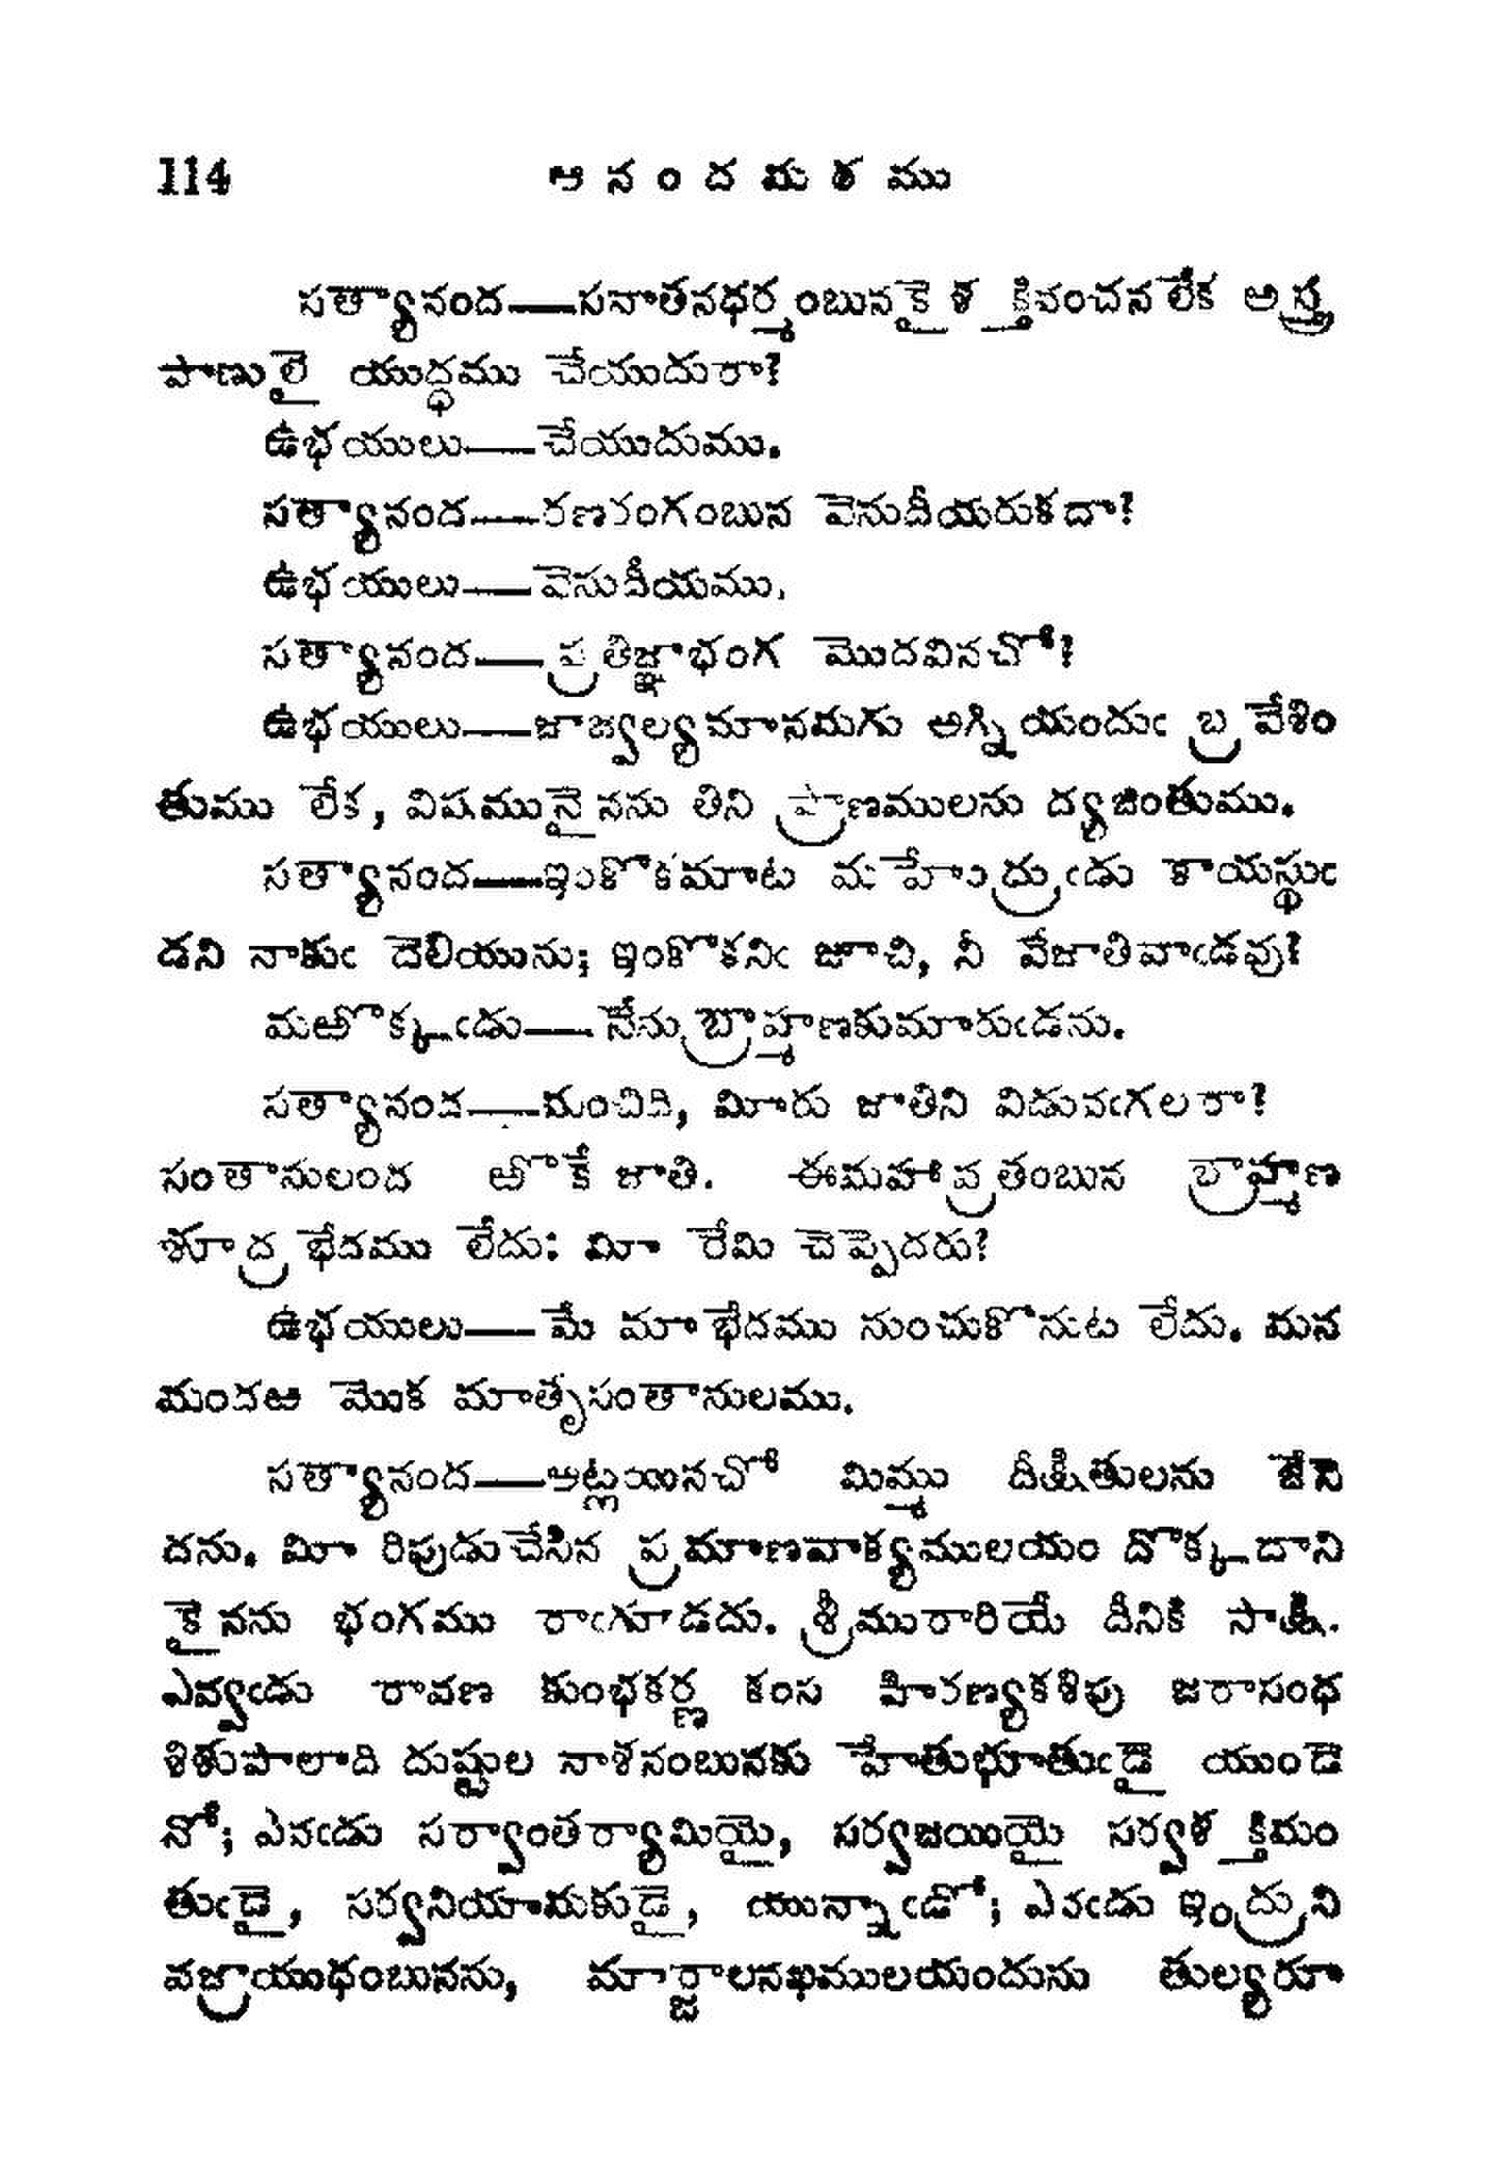సత్యానంద—— సనాతనధర్మంబునకై శక్తివంచన లేక అస్త్ర పాణులై యుద్ధము చేయుదురా?

ఉభయులు—— చేయుదుము.

సత్యానంద—— రణరంగంబున వెనుదీయరుకదా?

ఉభయులు—— వెనుదీయము,

సత్యానంద—— ప్రతిజ్ఞాభంగ మొదవినచో?

ఉభయులు—— జాజ్వల్యమానమగు అగ్ని యందుఁ బ్రవేశింతుము 'లేక, విషమునైనను తిని ప్రాణములను ద్యజింతుము.

సత్యానంద—— ఇంకొక మాట మహేంద్రుఁడు కాయస్థుఁడని నాకుఁ దెలియును; ఇంకోకనిఁ జూచి, నీ వేజాతి వాడవు?

మఱోక్కఁడు—— నేను, బ్రాహణకుమారుఁడను.

సత్యానంద—— మంచిది, మీరు జాతిని విడువఁగలరా? సంతానులంద ఱోకే జాతి. ఈమహా వ్రతంబున బ్రాహ్మణ శూద్ర భేదము లేదు: మీరేమి చెప్పెదరు?

ఉభయులు——మే మాభేదము నుంచుకోనుట లేదు. మన మందఱ మొక మాతృసంతానులము.

సత్యానంద—— అట్లయినచో మిమ్ము దీక్షితులను జేసెదను, మీ రిపుడు చేసిన ప్రమాణవాక్యములయం దొక్కదాని
కైనను భంగము రాగూడదు. శ్రీమురారియే దీనికి సాక్షి. ఎవ్వఁడు రావణ కుంభకర్ణ కంస హిరణ్యకశిపు జరాసంధ
శిశుపాలాది దుష్టుల నాశనంబునకు హేతుభూతుఁడై యుండెనో; ఎవఁడు సర్వాంతర్యామియై, సర్వజయియై సర్వశక్తిమం
తుఁడై , సర్వనియామకుడై , యున్నాడో, ఎవఁడు ఇంద్రుని వజ్రాయుధంబునను, మార్జాలనఖములయందును తుల్యరూ